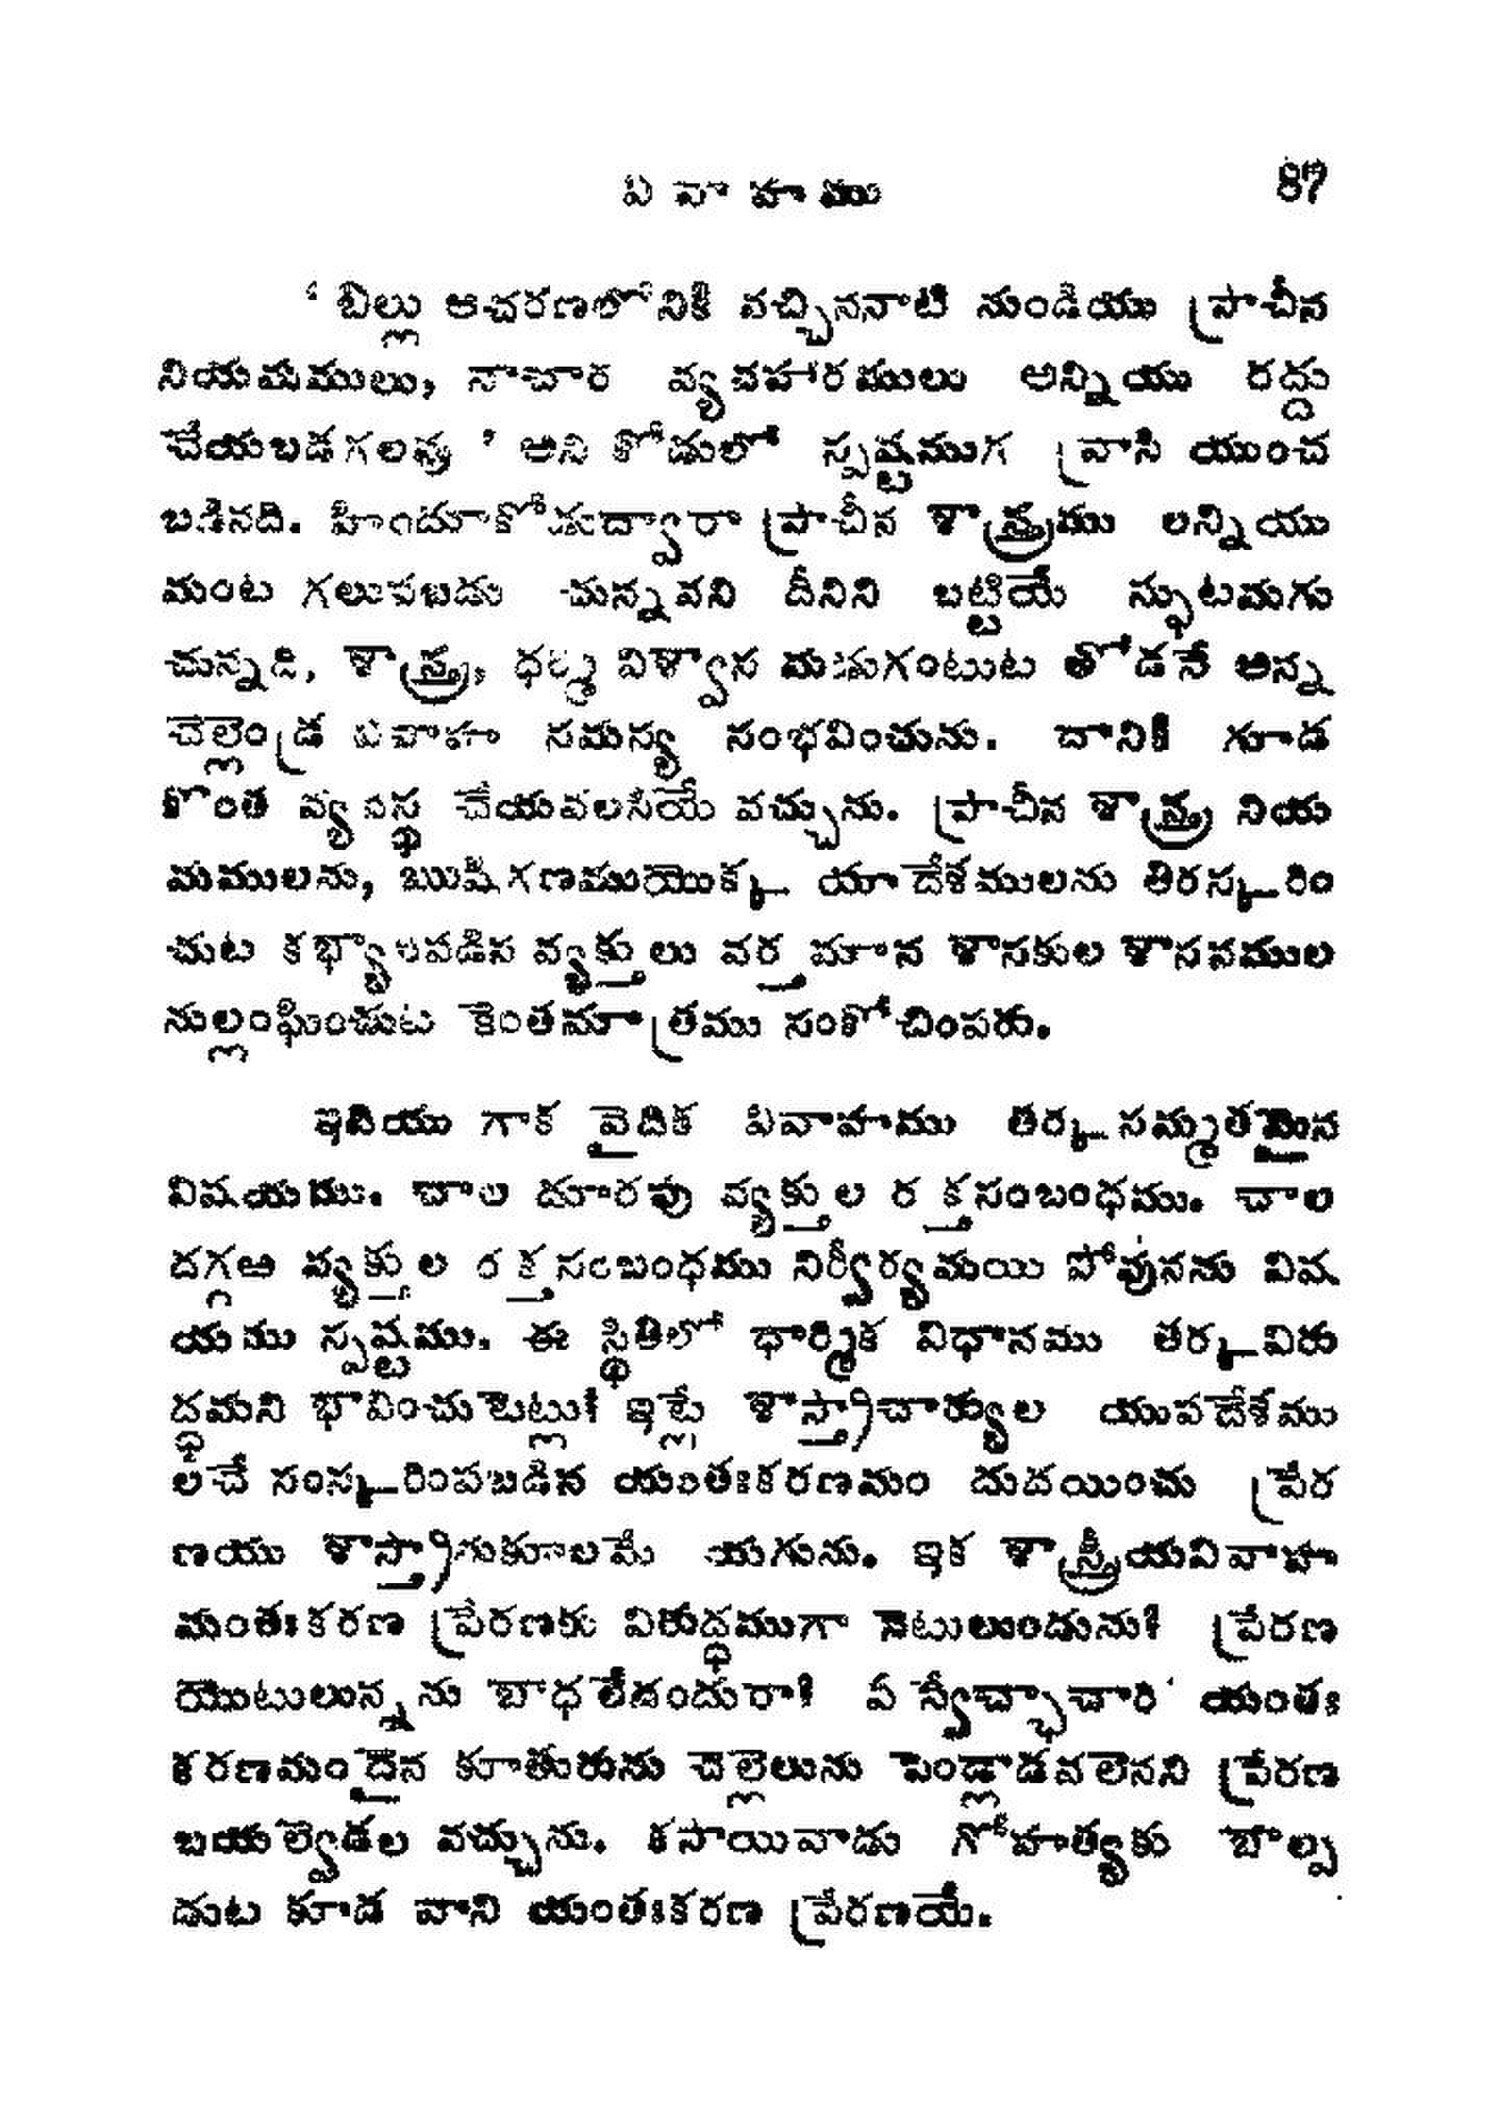బిల్లు ఆచరణలోనికి వచ్చిననాటి నుండియు ప్రాచీన
నియమములు, నాచార వ్యవహారములు లన్నియు రద్దు
చేయబడగలవు' అని కోడులో స్పష్టముగ వ్రాసి యుంచ
బడినది. హిందూకోడుద్వారా ప్రాచీన శాస్త్రము లన్నియు
మంట గలుపబడు చున్నవని దీనిని బట్టియే స్ఫుటమగు
చున్నది. శాస్త్ర, ధర్మ విశ్వాస మడుగంటుట తోడనే అన్న
చెల్లెండ్ర వివాహ సమస్య సంభవించును. దానికి గూడ
కొంత వ్యవస్థ చేయవలసియే వచ్చును. ప్రాచీన శాస్త్ర 
నియమములను, ఋషి గణము యొక్క యాదేశములను 
తిరస్కరించుట కభ్యాసపడిన వ్యక్తులు వర్తమాన శాసకుల 
శాసనముల నుల్లంఘించుట కెంతమాత్రము సంకోచింపరు.

ఇదియు గాక వైదిక వివాహము తర్మ సమ్మతమైన
విషయము. చాల దూరపు వ్యక్తుల రక్తసంబంధము, చాల
దగ్గఱ వ్యక్తుల రక్త సంబంధము నిర్వీర్యమయి పోవునను 
విషయము స్పష్టము. ఈ స్థితిలో ధార్మిక విధానము తర్క 
విరుద్ధమని భావించుటెట్లు? ఇట్లే శాస్త్రాచార్యుల యువదేశము
లచే సంస్కరింపబడిన యంతఃకరణమం దుదయించు ప్రేర
ణయు శాస్త్రానుకూలమే యగును. ఇక శాస్త్రీయ వివాహ
మంతఃకరణ ప్రేరణకు విరుద్ధముగా నెటులుండును? ప్రేరణ
యొటులున్నను బాధ లేదందురా? ఏ స్వేచ్ఛాచారి 
యంతఃకరణమందైన కూతురును చెల్లెలును పెండ్లాడవలెనని ప్రేరణ
బయల్వెడల వచ్చును. కసాయివాడు గోహత్యకు బాల్పడుట కూడ 
వాని యంతఃకరణ ప్రేరణయే.